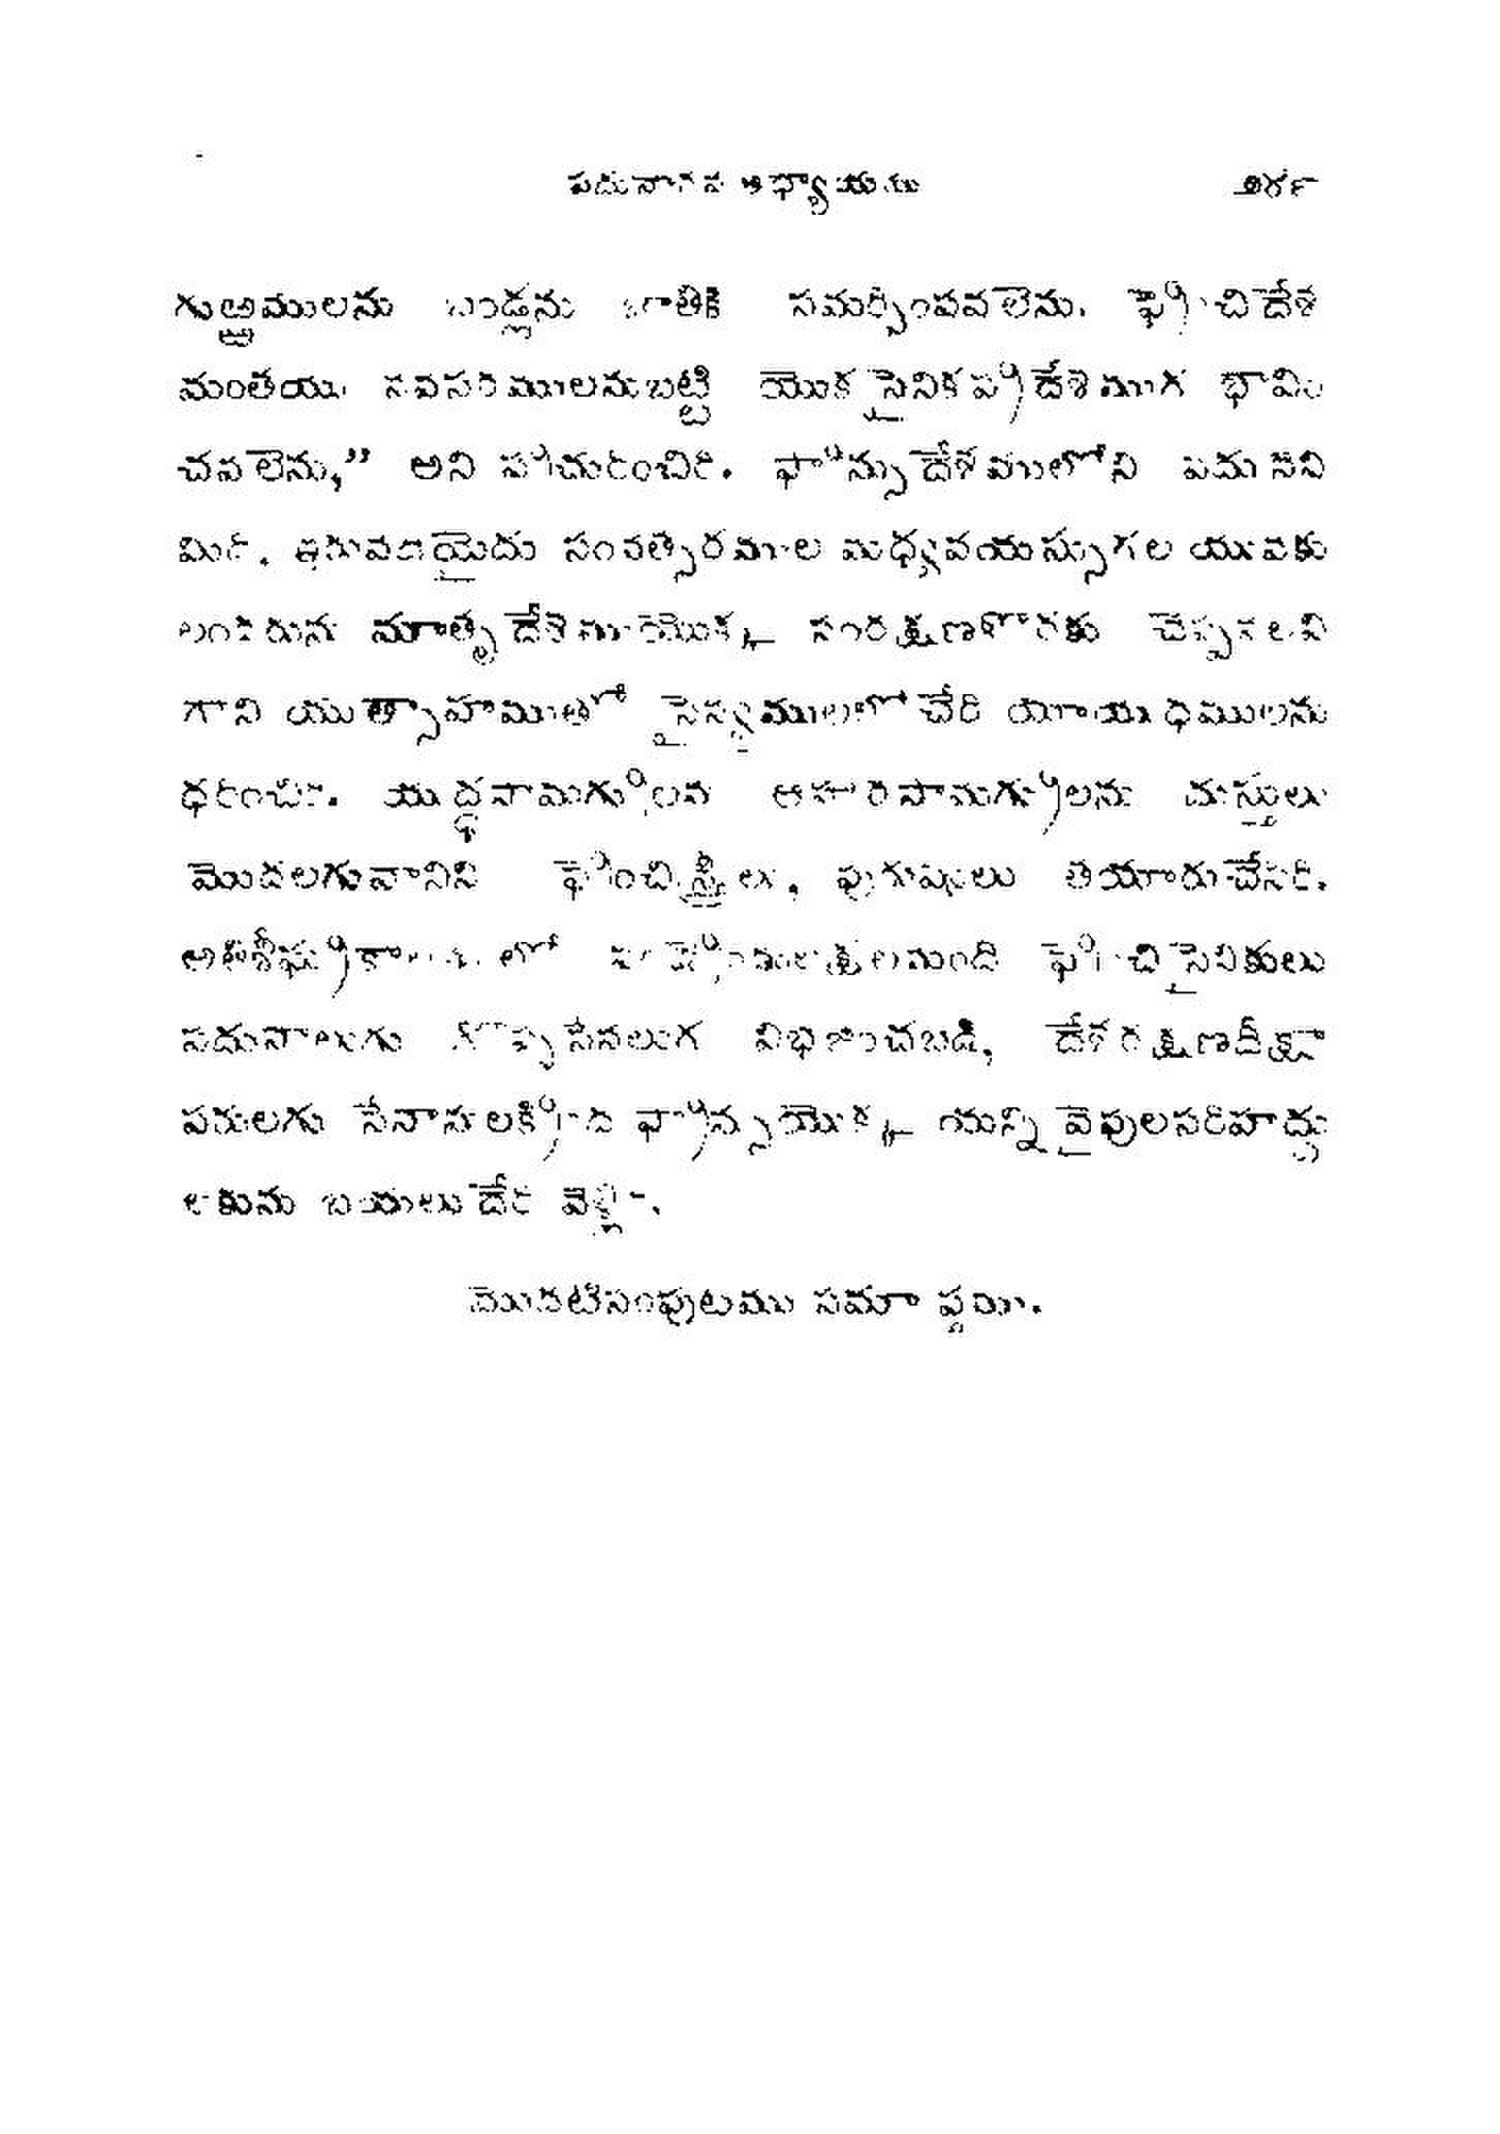గుఱ్ఱములను బండ్లను సమర్పింపవలెను. ఫ్రెంచి దేశ
మంతయు, నవరసములను బట్టి యొక సైనిక ప్రదేశముగా భావిం
చపలెను,” అని ప్రచురించిరి. ఫ్రాన్సు దేశములోని పదునెనిమిది
ఇరువదియైదు సంవత్సరముల మధ్య వయస్సుగల యువకు
లందురును మాతృదేశము యొక్క సంరక్షణకొరకు చెప్పనలవి
గాని యుత్సాహముతో సైన్యములోచేరి యాయుధములను
ధరించిరి.. యుద్ధసామగ్రులను, అహర సామగ)లను దుస్తులు
మొదలగువానిని ఫ్రెంచి స్త్రీలు , పురుషులు తయారు చేసిరి..
అతి శీగ్ర కాలములో పండ్రెండు లక్షల మంది ఫ్రెంచి సైనికులు
పదునాలుగు సేనలుగు విభజించబడి, దేశ రక్షణదీక్ష
పరులగు సేనానులక్రింద ఫ్రాన్సుయొక్క యన్ని వైపుల సరిహద్దు
లకు బయలు దేరి వెళ్లిరి.